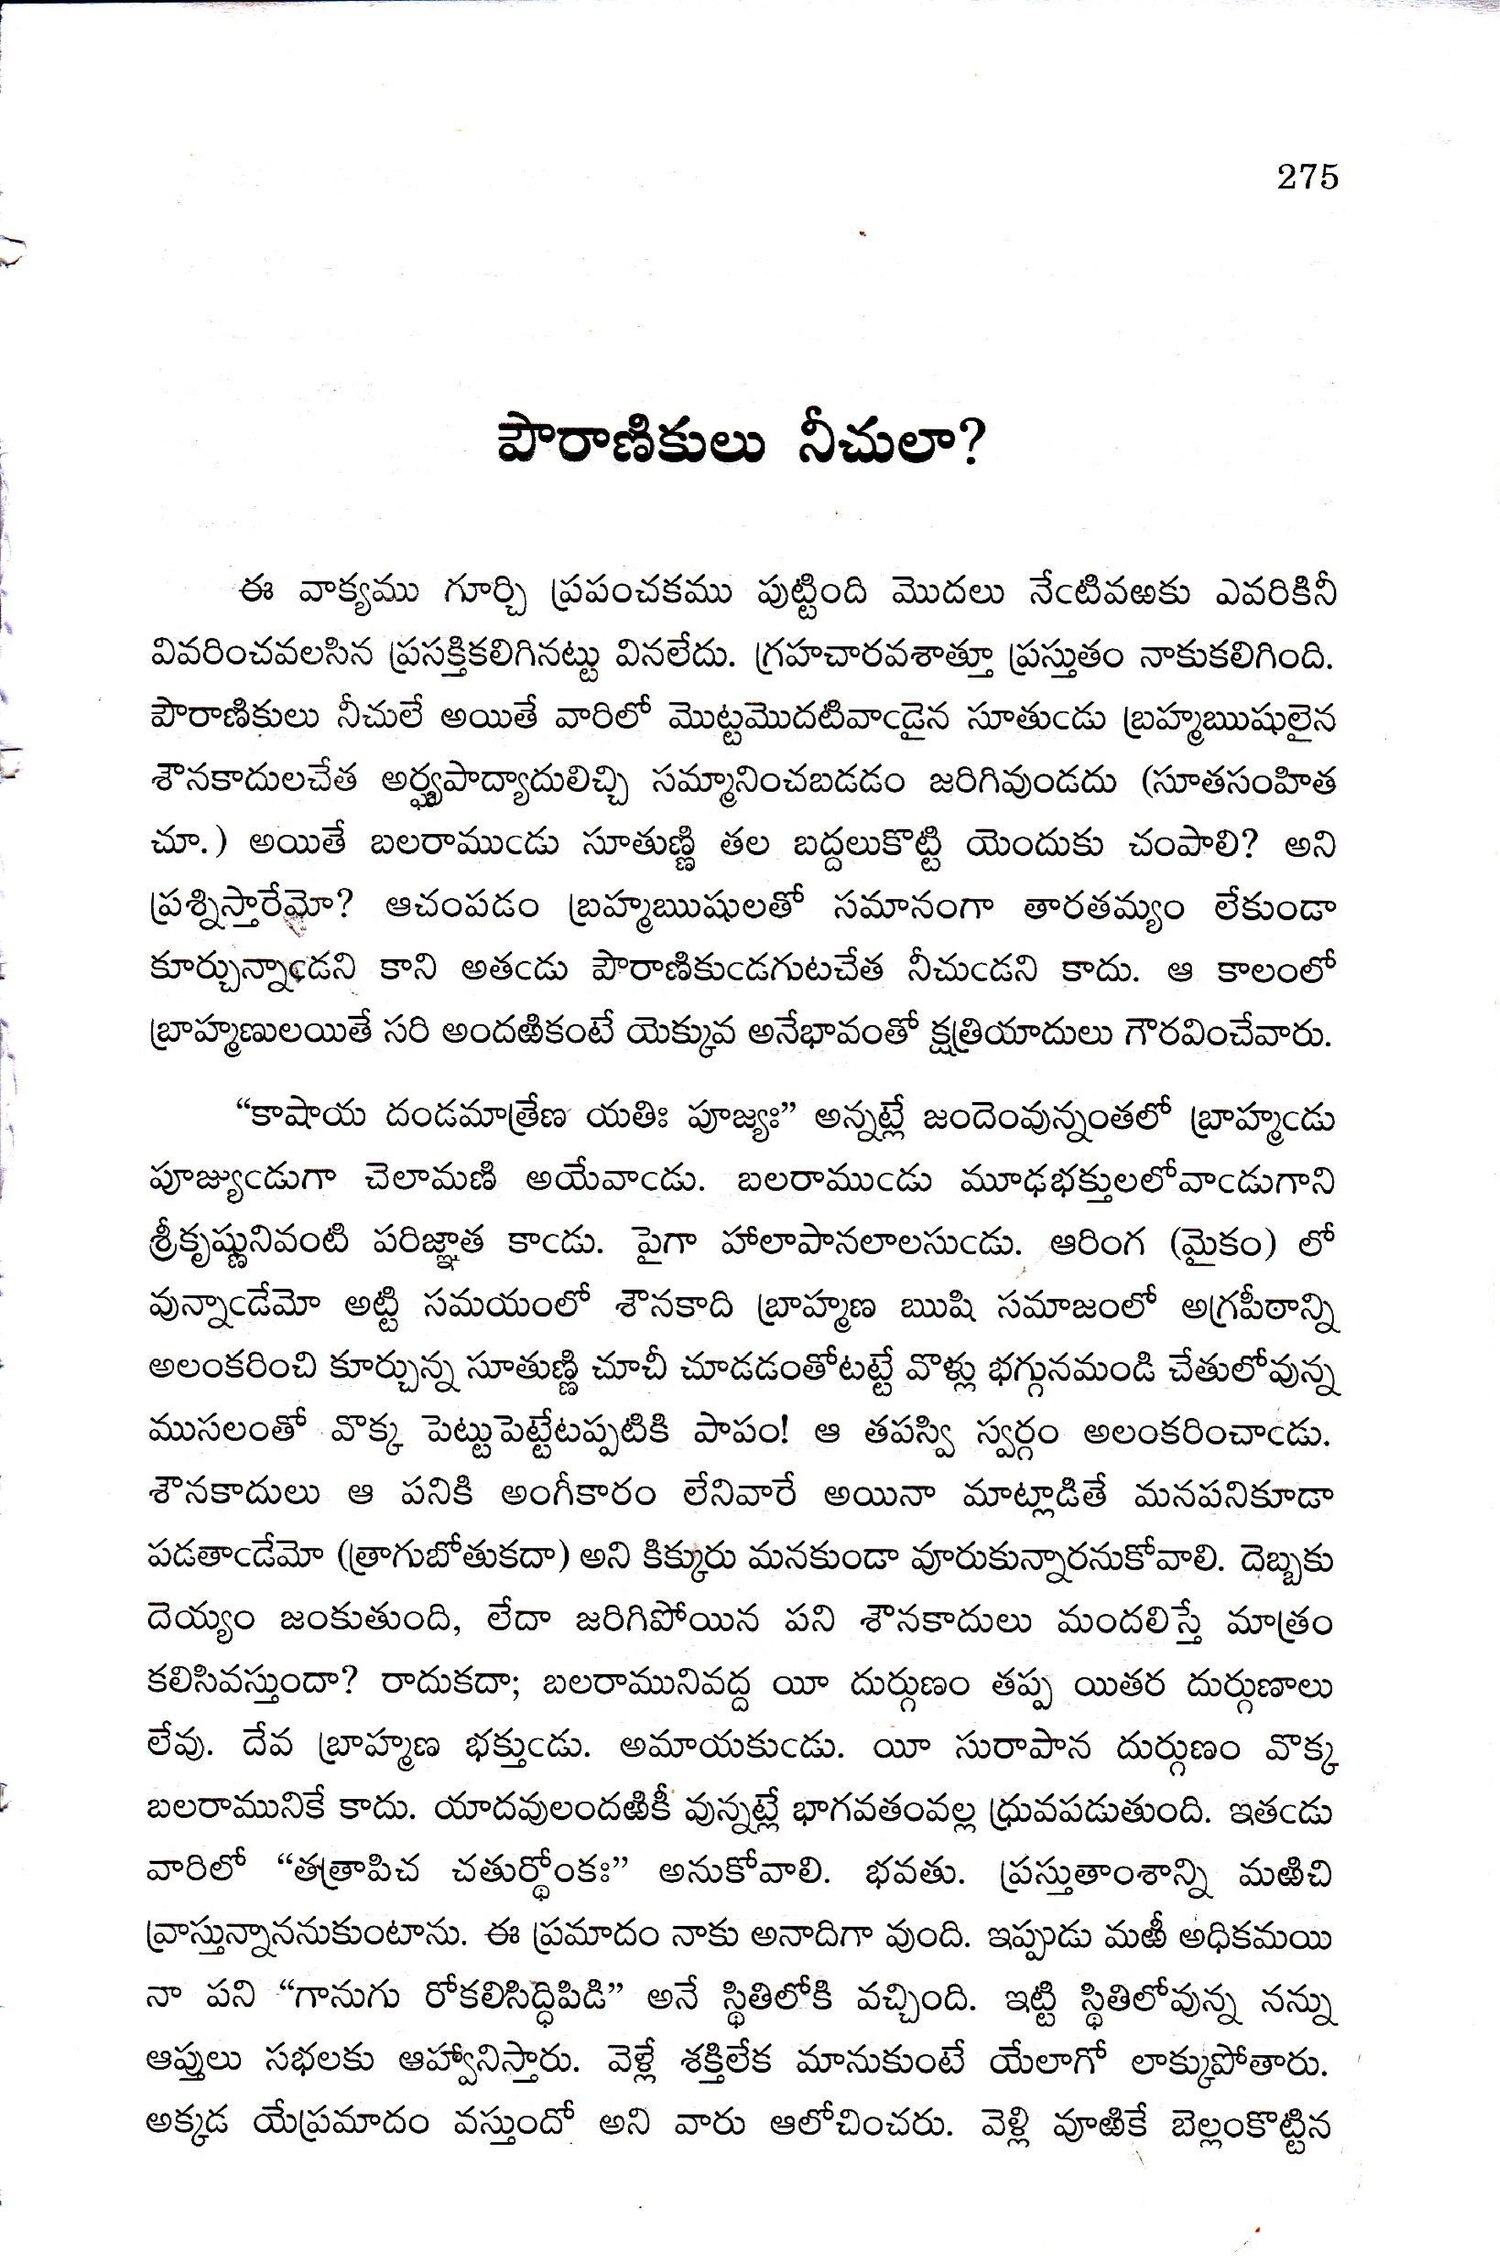పౌరాణికులు నీచులా?

ఈ వాక్యము గూర్చి ప్రపంచకము పుట్టింది మొదలు నేఁటివఱకు ఎవరికినీ వివరించవలసిన ప్రసక్తికలిగినట్టు వినలేదు. గ్రహచారవశాత్తూ ప్రస్తుతం నాకుకలిగింది. పౌరాణికులు నీచులే అయితే వారిలో మొట్టమొదటివాఁడైన సూతుఁడు బ్రహ్మఋషులైన శౌనకాదులచేత అర్ఘ్యపాద్యాదులిచ్చి సమ్మానించబడడం జరిగివుండదు (సూతసంహిత చూ.) అయితే బలరాముఁడు సూతుణ్ణి తల బద్దలుకొట్టి యెందుకు చంపాలి? అని ప్రశ్నిస్తారేమో? ఆచంపడం బ్రహ్మఋషులతో సమానంగా తారతమ్యం లేకుండా కూర్చున్నాఁడని కాని అతcడు పౌరాణికుఁడగుటచేత నీచుఁడని కాదు. ఆ కాలంలో బ్రాహ్మణులయితే సరి అందఱికంటే యెక్కువ అనేభావంతో క్షత్రియాదులు గౌరవించేవారు.

“కాషాయ దండమాత్రేణ యతిః పూజ్యః" అన్నట్లే జందెంవున్నంతలో బ్రాహ్మఁడు పూజ్యఁడుగా చెలామణి అయేవాఁడు. బలరాముఁడు మూఢభక్తులలోవాఁడుగాని శ్రీకృష్ణునివంటి పరిజ్ఞాత కాఁడు. పైగా హాలాపానలాలసుఁడు. ఆరింగ (మైకం) లో వున్నాఁడేమో అట్టి సమయంలో శౌనకాది బ్రాహ్మణ ఋషి సమాజంలో అగ్రపీఠాన్ని అలంకరించి కూర్చున్న సూతుణ్ణి చూచీ చూడడంతోటట్టే వొళ్లు భగ్గునమండి చేతులోవున్న ముసలంతో వొక్క పెట్టుపెట్టేటప్పటికి పాపం! ఆ తపస్వి స్వర్గం అలంకరించాఁడు. శౌనకాదులు ఆ పనికి అంగీకారం లేనివారే అయినా మాట్లాడితే మనపనికూడా పడతాఁడేమో (త్రాగుబోతుకదా) అని కిక్కురు మనకుండా వూరుకున్నారనుకోవాలి. దెబ్బకు దెయ్యం జంకుతుంది, లేదా జరిగిపోయిన పని శౌనకాదులు మందలిస్తే మాత్రం కలిసివస్తుందా? రాదుకదా; బలరామునివద్ద యీ దుర్గుణం తప్ప యితర దుర్గుణాలు లేవు. దేవ బ్రాహ్మణ భక్తుఁడు. అమాయకుఁడు. యీ సురాపాన దురుణం వొక్క బలరామునికే కాదు. యాదవులందఱికీ వున్నట్లే భాగవతంవల్ల ధ్రువపడుతుంది. ఇతఁడు వారిలో “తత్రాపిచ చతుర్థోంకః" అనుకోవాలి. భవతు. ప్రస్తుతాంశాన్ని మఱిచి వ్రాస్తున్నాననుకుంటాను. ఈ ప్రమాదం నాకు అనాదిగా వుంది. ఇప్పుడు మఱీ అధికమయి నా పని "గానుగు రోకలిసిద్ధిపిడి" అనే స్థితిలోకి వచ్చింది. ఇట్టి స్థితిలోవున్న నన్ను ఆప్తులు సభలకు ఆహ్వానిస్తారు. వెళ్లే శక్తిలేక మానుకుంటే యేలాగో లాక్కుపోతారు. అక్కడ యేప్రమాదం వస్తుందో అని వారు ఆలోచించరు. వెళ్లి వూఱికే బెల్లంకొట్టిన